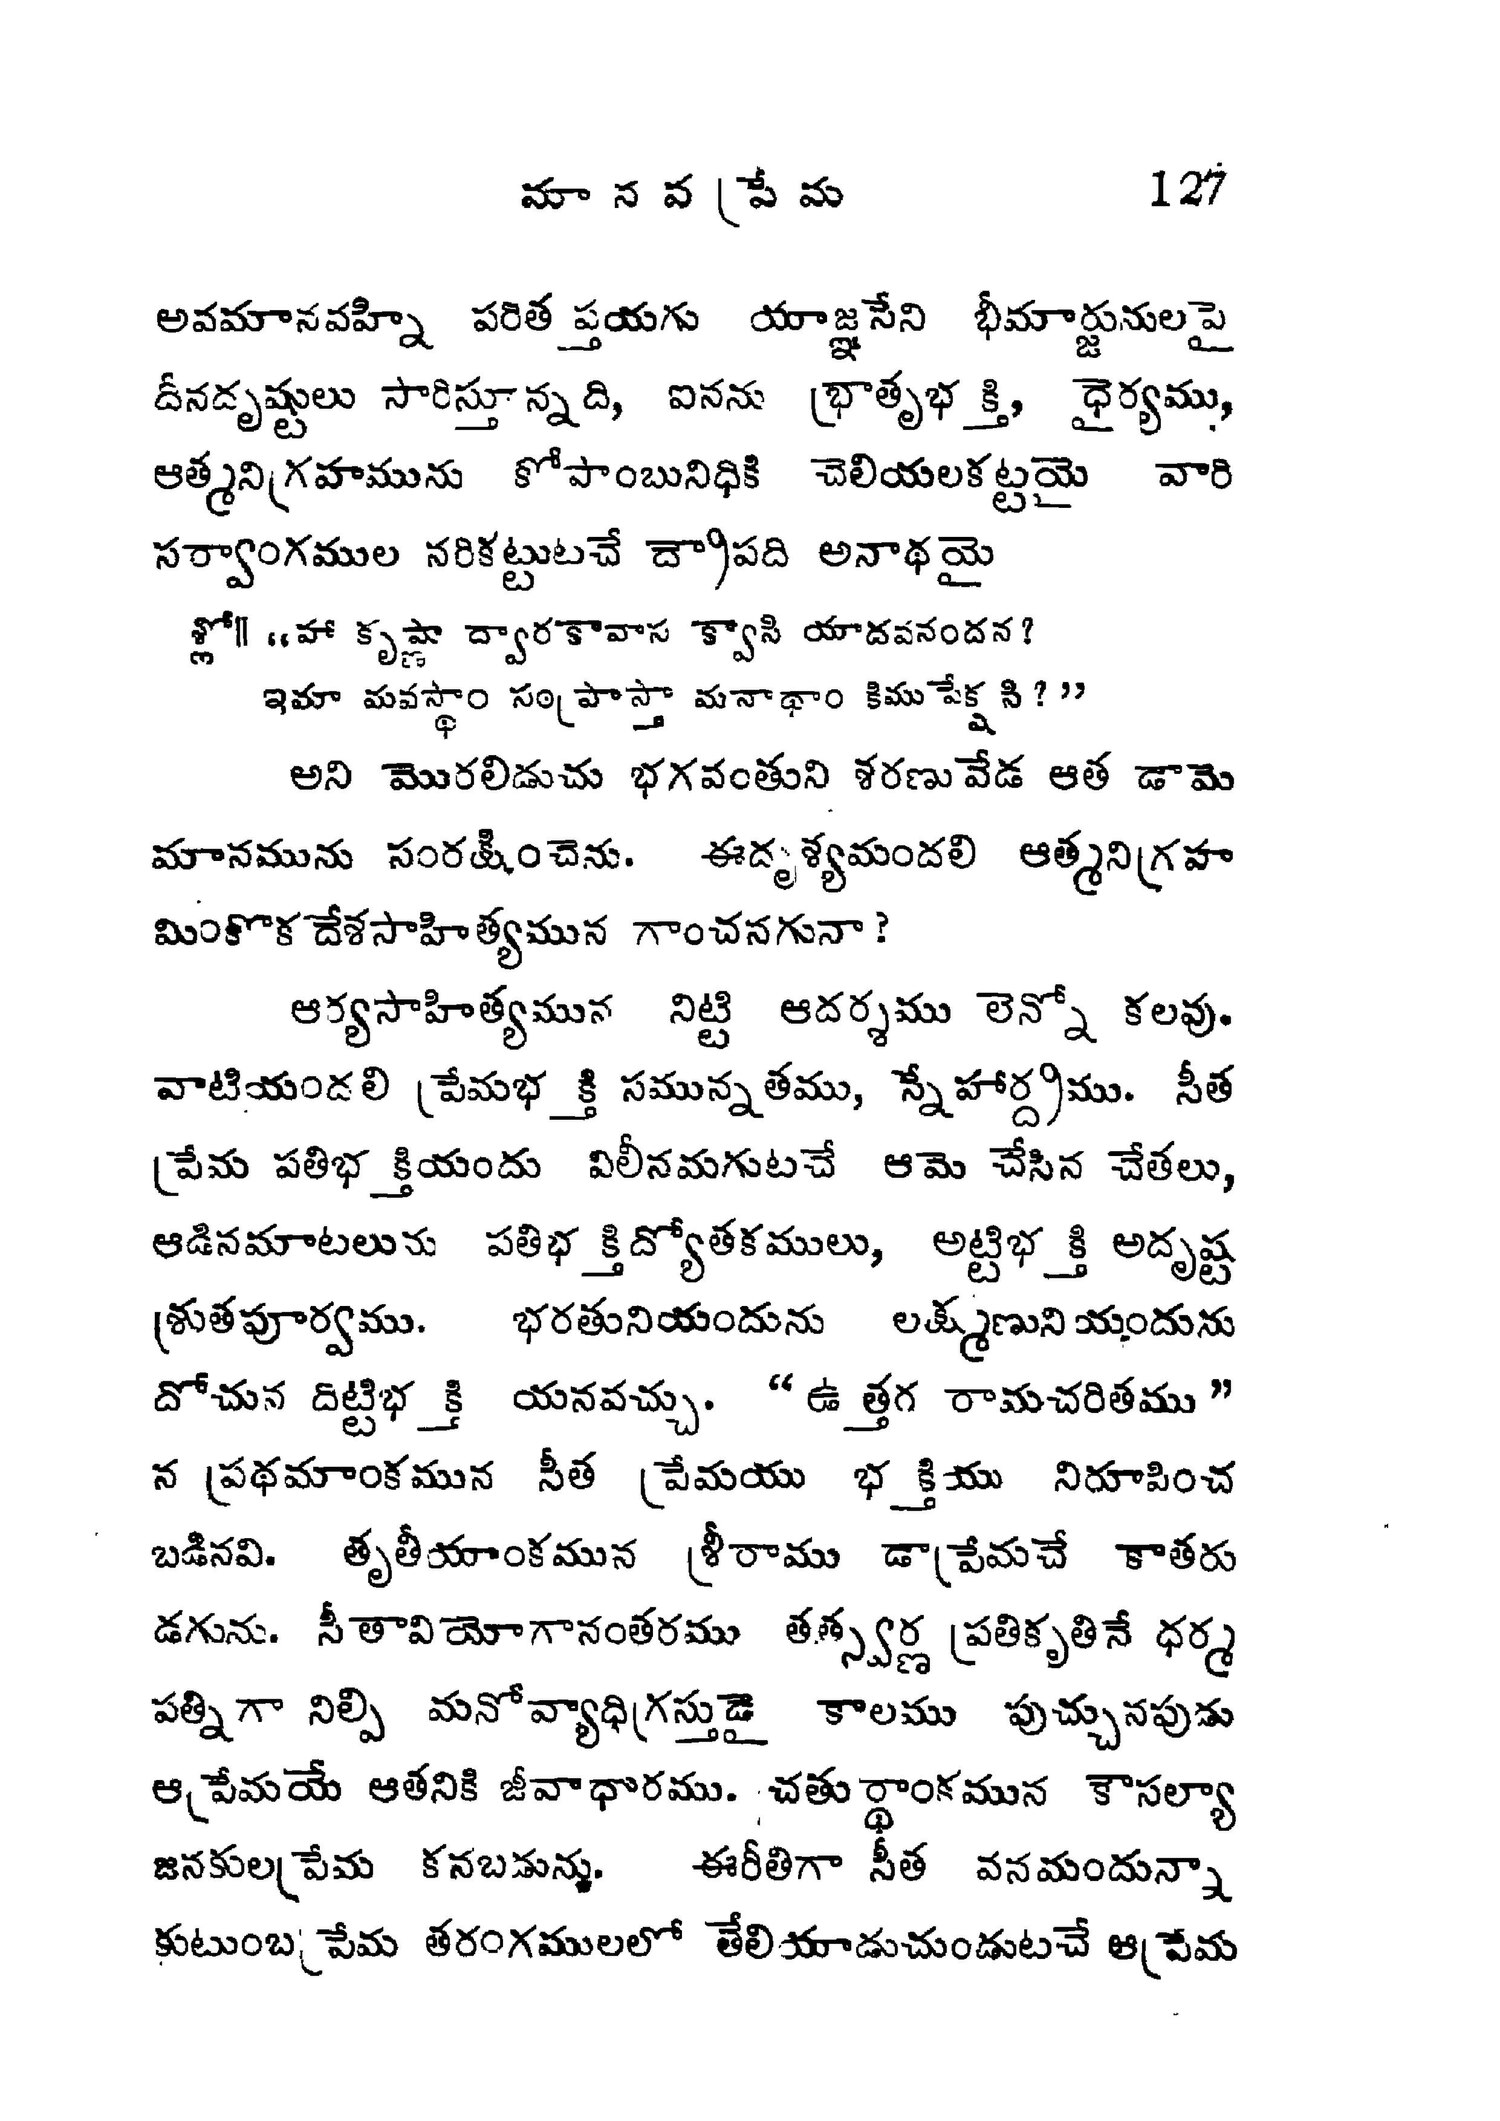అవమానవహ్ని పరితప్తయగు యాజ్ఞసేని భీమార్జునులపై దీనదృష్టులు సారిస్తూన్నది, ఐనను భ్రాతృభక్తి, ధైర్యము, ఆత్మనిగ్రహమును కోపాంబునిధికి చెలియలకట్టయై వారి సర్వాంగముల నరికట్టుటచే ద్రౌపది అనాథయై

 శ్లో|| "హా కృష్ణా ద్వారకావాస క్వాసి యాదవనందన?
 ఇమా మవస్థాం సంప్రాస్తా మనాథాం కిము పేక్షసి?"

అని మొరలిడుచు భగవంతుని శరణువేడ ఆత డామె మానమును సంరక్షించెను. ఈదృశ్యమందలి ఆత్మనిగ్రహ మింకొకదేశసాహిత్యమున గాంచనగునా?

ఆర్యసాహిత్యమున నిట్టి ఆదర్శము లెన్నో కలవు. వాటియందలి ప్రేమభక్తి సమున్నతము, స్నేహార్ద్రము. సీత ప్రేమ పతిభక్తియందు విలీనమగుటచే ఆమె చేసిన చేతలు, ఆడినమాటలును పతిభక్తిద్యోతకములు, అట్టిభక్తి అదృష్ట శ్రుతపూర్వము. భరతునియందును లక్ష్మణునియందును దోచున దిట్టిభక్తి యనవచ్చు. "ఉత్తర రామచరితము"న ప్రథమాంకమున సీత ప్రేమయు భక్తియు నిరూపించ బడినవి. తృతీయాంకమున శ్రీరాము డాప్రేమచే కాతరు డగును. సీతావియోగానంతరము తత్స్వర్ణ ప్రతికృతినే ధర్మపత్నిగా నిల్పి మనోవ్యాధిగ్రస్తుడై కాలము పుచ్చునపుడు ఆప్రేమయే ఆతనికి జీవాధారము. చతుర్థాంకమున కౌసల్యా జనకులప్రేమ కనబడును. ఈరీతిగా సీత వనమందున్నా కుటుంబప్రేమ తరంగములలో తేలియాడుచుండుటచే ఆప్రేమ